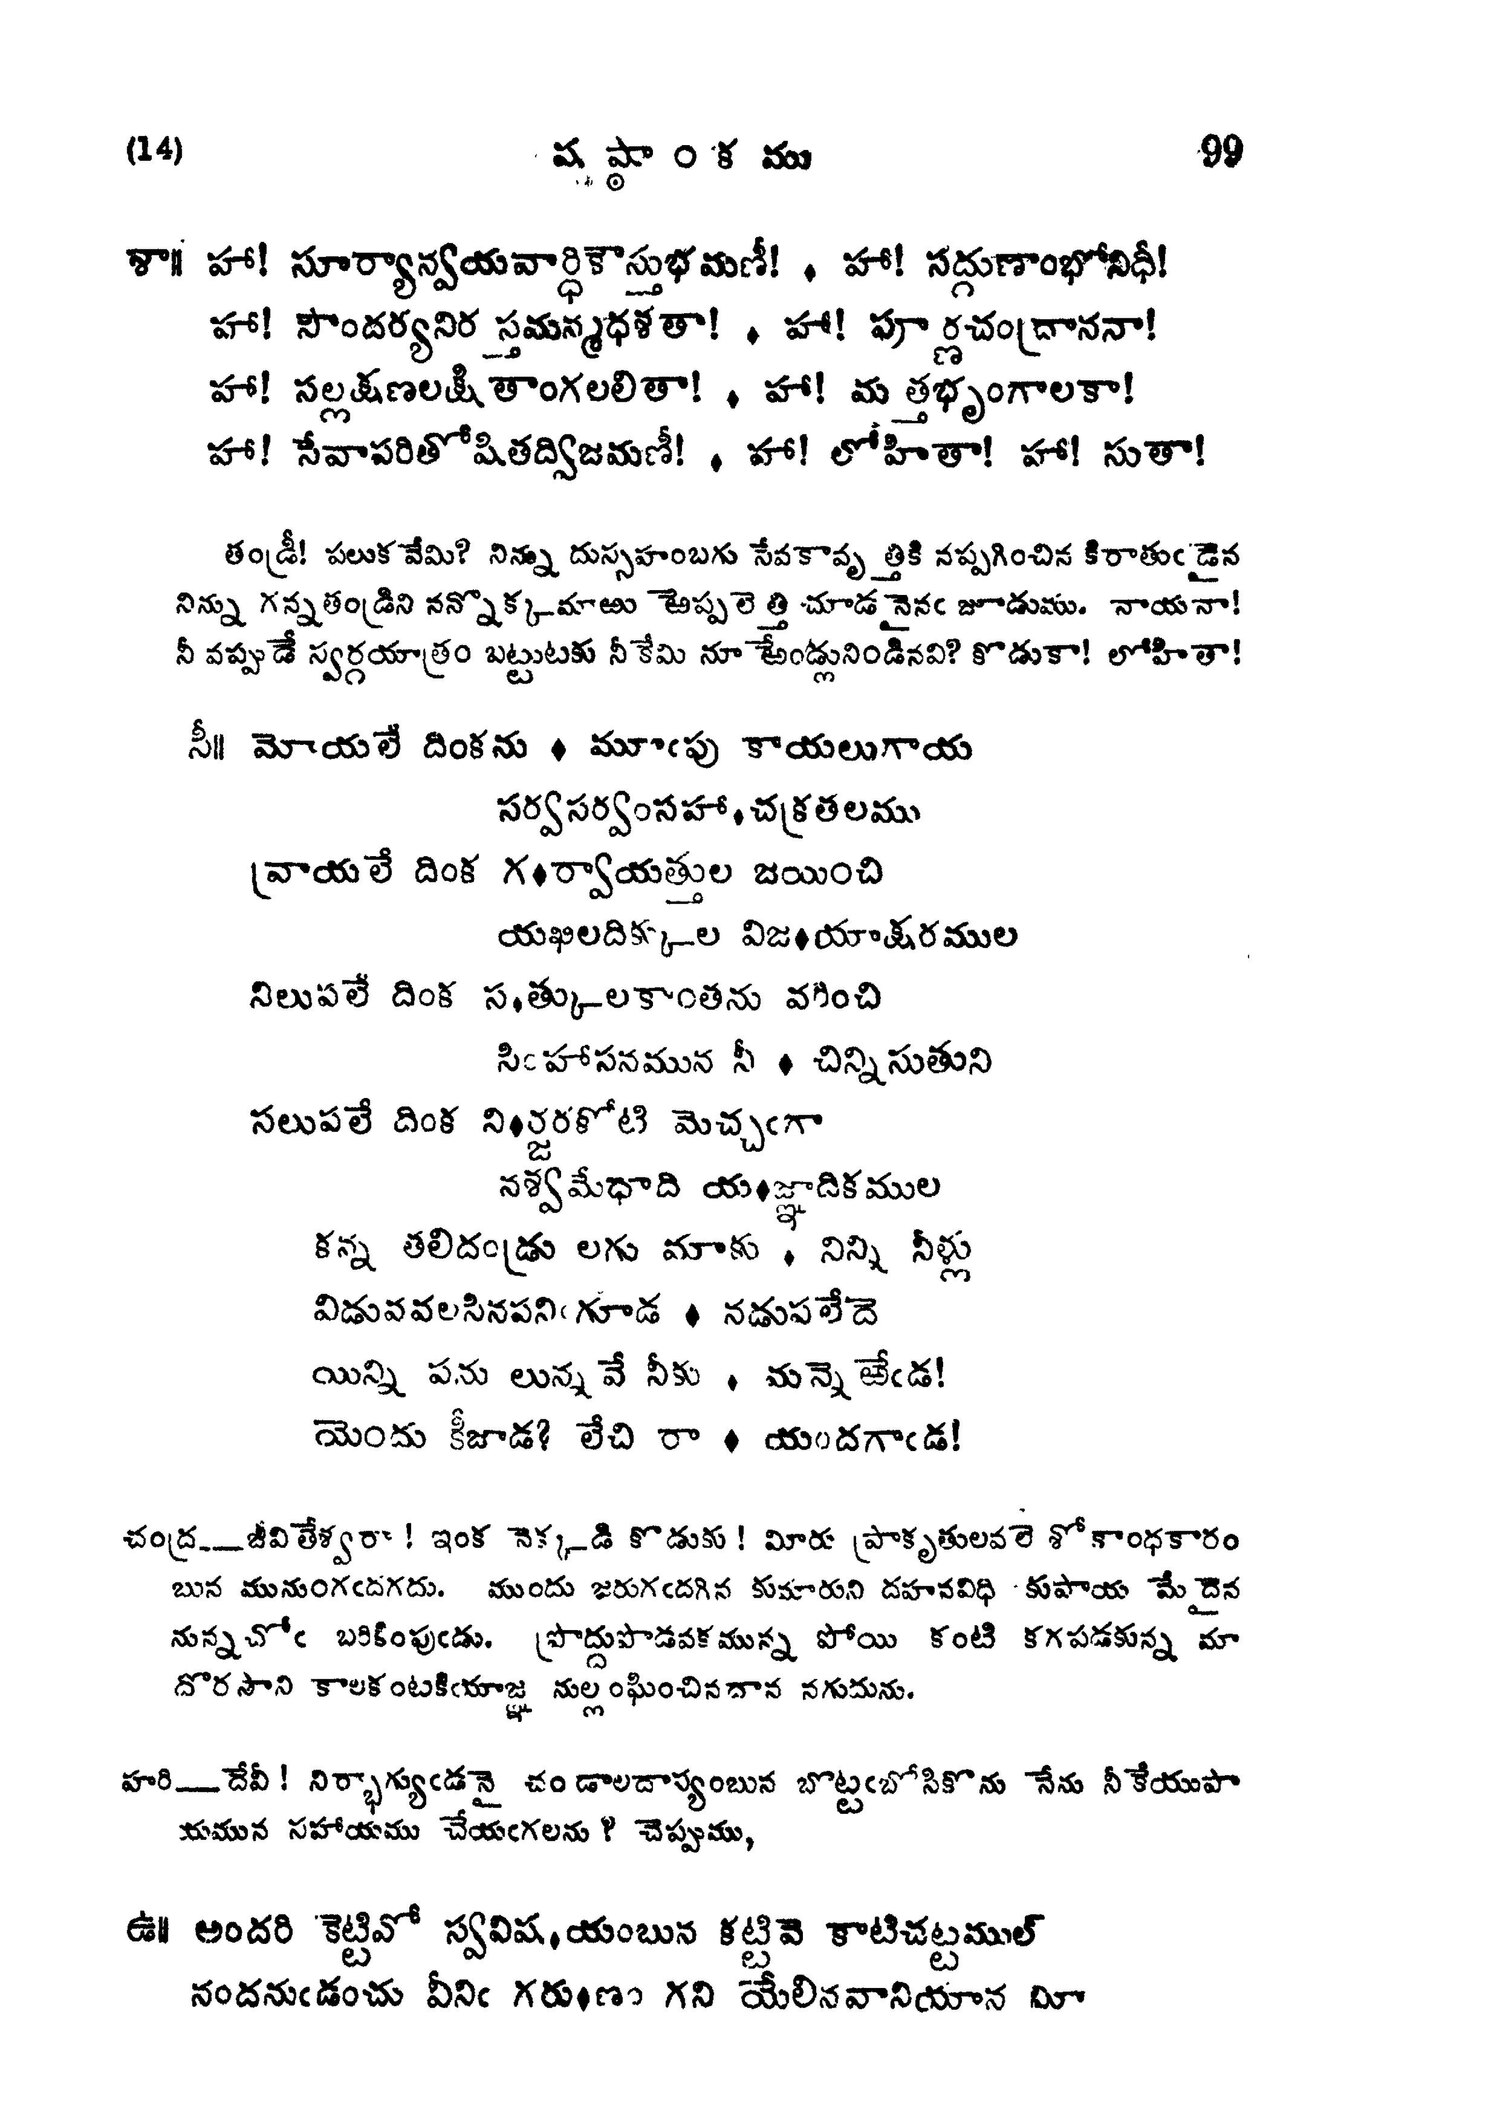శా. 	హా! సూర్యాన్వయవార్థి కౌస్తుభమణీ! హా! సద్గుణాంభోనిథీ!
హా! సౌందర్యనిరస్త మన్మథశతా! హా! పూర్ణచంద్రాననా!
హా! సల్లక్షణ లక్షితాంగ లలితా! హా! మత్తభృంగాలకా!
హా! సేవాపరతోషిత ద్విజమణీ! హా! లోహితా! హా! సుతా!

తండ్రీ! పలుకవేమి? నిన్ను దుస్సహంబగు సేవకావృత్తి కప్పగించిన కిరాతుండైన నిన్ను గన్న తండ్రిని నన్నొక్కమాఱు ఱెప్పలెత్తి చూడుము, నాయనా! నీవప్పుడే స్వర్గయాత్రం బట్టుటకు నీకేమి నూఱేండ్లు నిండినవా, కొడుకా! లోహితా?

సీ. 	మోయలేదింకను మూఁపు కాయలుగాయ
 సర్వ సర్వంసహా చక్రతలము
ప్రాయలేదింక గర్వాయత్తుల జయించి
 యఖిలదిక్కుల విజయాక్షరముల
నిలుపలే దింక సత్కులకాంతను వరించి
 సింహాసనమున నీ చిన్ని సుతుని
సలుపలే దింక నిర్జరకోటి మెచ్చఁగా
 నశ్వమేధాది యజ్ఞాదికములఁ

 	గన్న తల్లిదండ్రులగు మాకు నిన్ని నీళ్ళు
 విడువవలసిన పనిగూడ నడుపలేదె
 యిన్ని పనులున్నవే నీకు మన్నెఱేఁడ!
 యెందుకీ జాడ? లేచిరా యందగాడ!

చంద్ర - 	జీవితేశ్వరా! ఇకనెక్కడి కొడుకు! మీరు ప్రాకృతునివలె శోకాంధకారంబున మునుంగఁ దగదు. ముందు జరుపఁ దగిన కుమారుని దహనవిధి కుపాయమేదైన నున్నచో బరిశీలింపుడు. బ్రొద్దుబొడువకమున్న పోయి కంటి కగపడకున్న మా దొరసాని కాలకంటకి యాజ్ఞనుల్లంఘించిన దాననగుదును.

హరి - దేవీ! నిర్భాగ్యుఁడనై చండాలదాస్యంబునఁ బొట్టపోసికొను నేను నీకే యుపాయమున సహాయము చేయఁగలను? చెప్పుము?

ఉ. 	అందఱి కెట్టివో స్వవిషయంబున నట్టివె కాటి చట్టముల్‌
నందనుఁడంచు వీనిఁ గరుణం గని యేలినవాని యాన మీ